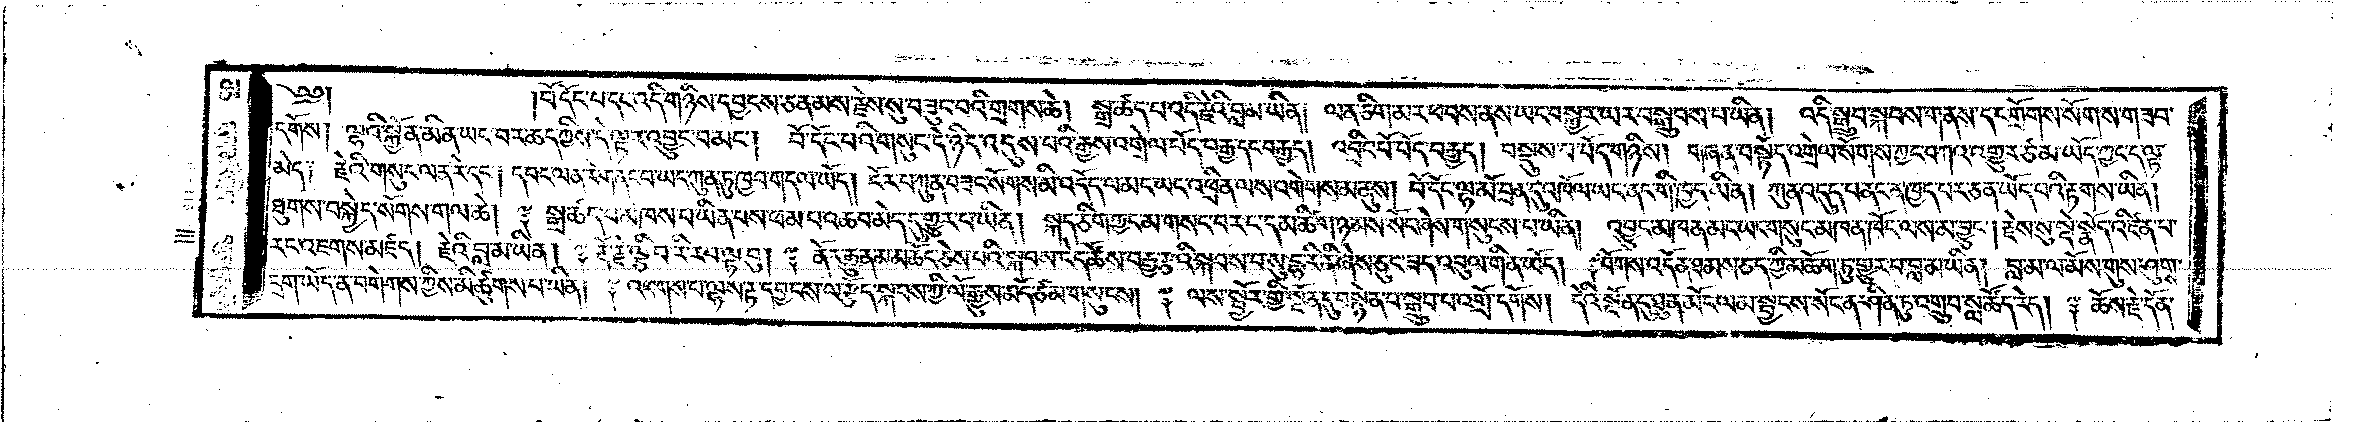༄༅། །བོ་དོང་པ་དང་འདི་གཉིས་དབྱངས་ཅན་མས་རྗེས་སུ་བཟུང་བའི་གྲགས་ཆེ། སྒྲ་ཚད་པ་འདི་རྗེའི་བླ་མ་ཡིན། ལན་ཅིག་མར་ཕབས་ནས་ཡང་བསྐྱར་ཡར་བསྒྲུབས་པ་ཡིན། འདི་སྒྲུབ་སྐབས་གནས་དང་གྲོགས་སོགས་གཟབ་
དགོས། ལྷའི་སྐྱོན་མིན་ཡང་བར་ཆད་ཀྱིས་དེ་ལྟར་འབྱུང་བ་མང་། བོ་དོང་པའི་གསུང་དེ་ཉིད་འདུས་པའི་རྒྱས་འགྲེལ་པོད་བརྒྱ་དང་བརྒྱད། འབྲིང་པོ་པོད་བརྒྱད། བསྡུས་པ་པོད་གཉིས། གཞན་བསྟོད་འགྲེལ་སོགས་ཀྱང་བཀའ་འགྱུར་ཙམ་ཡོད་ཀྱང་ད་ལྟ་
མེད༑ རྗེའི་གསུང་ལན་རེ་དང་། དབང་ལན་རེ་གནང་བ་ཡང་ཀུན་ཏུ་ཁྱབ་གདལ་ཡོད། ངོར་པ་ཀུན་བཟང་སོགས་མི་འདོད་པ་མང་ཡང་འཕྲིན་ལས་འགེགས་མནུས། བོ་དོང་ལྷ་མོ་བྲན་དུ་འཁོལ་ཡང་ནང་གི་ཁྱད་ཡིན། ཀུན་འདུད་པ་ནང་ན་ཁྱད་པར་ཅན་ཡོད་པའི་རྟགས་ཡིན།
ཐུགས་བསྐྱེད་སོགས་གལ་ཆེ། ༈ སྒྲ་ཚད་པ་མཁས་བ་ཡིན་པས་ཕམ་པ་འཆབ་མེད་དུ་གྱུར་པ་ཡིན། སྐད་ཅིག་ཀྱང་མ་གསང་བར་ང་དམ་ཚིག་ཉམས་སོང་ཞེས་གསུངས་པ་ཡིན། འབྱུང་མཁན་མང་ཡང་གསུང་མཁན་ཁོང་ལས་མ་བྱུང་། རྗེས་སུ་སྡེ་སྣོད་འཛིན་པ་
རང་འཇགས་མཛད། རྗེའི་བླ་མ་ཡིན། ༈ རྡོ་རྗེ་ལྕིབ་རི་རབ་ལྟ་བུ། ༈ ནོར་རྒྱུན་མ་མཆོད་ཅེས་པའི་སྐབས་ངེད་ཚོས་བརྒྱ་རྩའི་སྐབས་བ་སུ་དྷ་རི་ནི་ཞེས་ཅུང་ཟད་འབུལ་གིན་ཡོད། ༈ བོགས་འདོན་ཐམས་ཅད་ཀྱི་མཆོག་ཏུ་གྱུར་པ་བླ་མ་ཡིན། བླ་མ་ལ་མོས་གུས་ཤུགས་
དྲག་ཡོད་ན་བགེགས་ཀྱིས་མི་ཚུགས་པ་ཡིན། ༈ འཕགས་པ་ལྷས་རྟ་དབྱངས་ལ་རྩོད་སྐབས་ཀྱི་ལོ་རྒྱུས་མདོ་ཙམ་གསུངས། ༈ ལས་སྦྱོར་གྱི་སྔོན་དུ་བསྙེན་པ་སྒྲུབ་པ་འགྲོ་དགོས། དེའི་སྔོན་དུ་ཐུན་མོང་ལ་མ་སྦྱངས་སོང་ན་ཤིན་ཏུ་འགྲུབ་སླ་ཚོད་རེད། ༈ ཆོས་རྗེ་དོན་